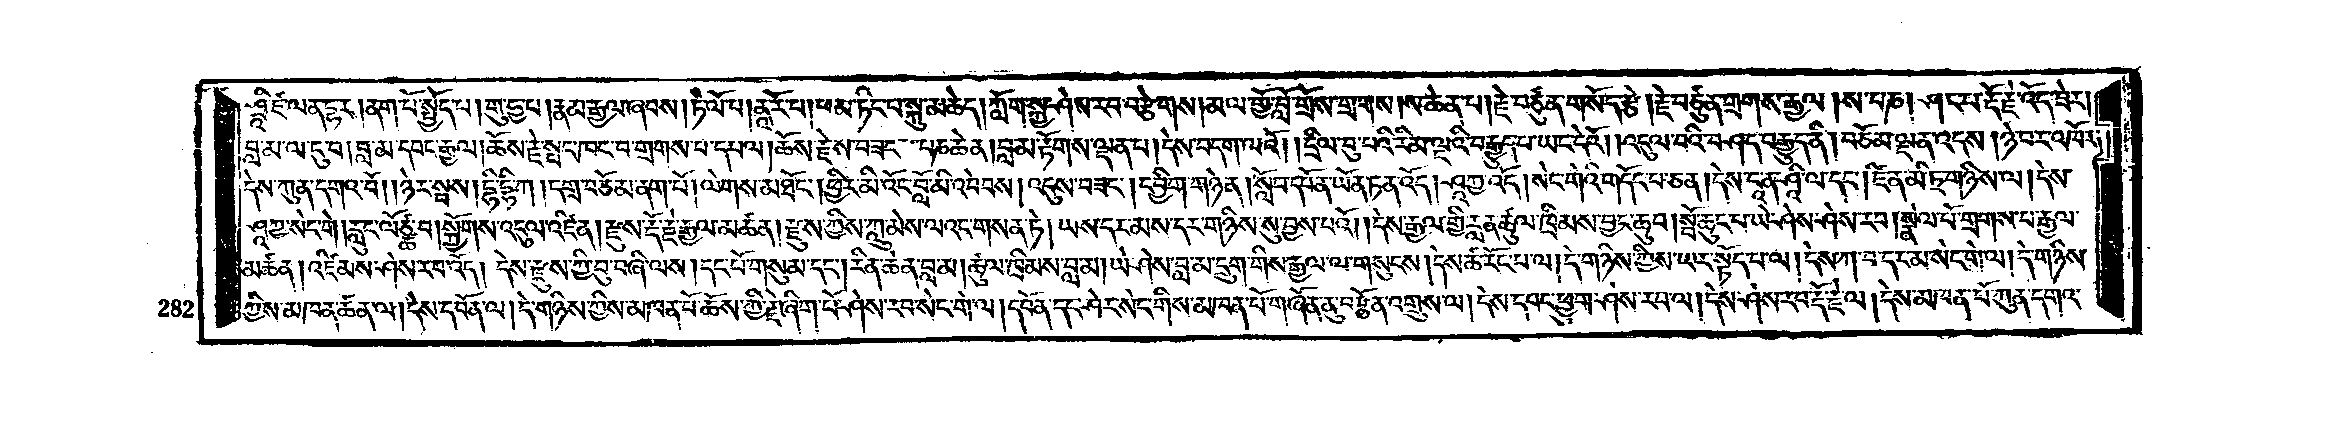ཤྲཱི་ཛ་ལན་དྷ་ར། ནག་པོ་སྤྱོད་པ། གུ་ཧྱ་པ། རྣམ་རྒྱལ་ཞབས། ཏཻ་ལོ་པ། ནཱ་རོ་པ། ཕམ་ཏིང་པ་སྐུ་མཆེད། ཀློག་སྐྱ་ཤེས་རབ་བརྩེགས། མལ་གྱོ་བློ་གྲོས་གྲགས། ས་ཆེན་པ། རྗེ་བཙུན་གསོད་རྩེ། རྗེ་བཙུན་གྲགས་རྒྱལ། ས་པཎ། ཤད་པ་རྡོ་རྗེ་འོད་ཟེར།
བླ་མ་ལ་དུ་བ། བླ་མ་དབང་རྒྱལ། ཆོས་རྗེ་སྤང་ཁང་བ་གྲགས་པ་དཔལ། ཆོས་རྗེས་བཟང་པཎ་ཆེན། བླ་མ་རྟོགས་ལྡན་པ། དེས་བདག་ལའོ། །དྲིལ་བུ་པའི་རིམ་ལྔའི་བརྒྱུད་པ་ཡང་དེའོ། །འདུལ་བའི་བཤད་བརྒྱུད་ནི། བཅོམ་ལྡན་འདས། ཉེ་བར་འཁོར༑
དེས་ཀུན་དགའ་བོ། །ཉེར་སྦས། དྷི་དྷི་ཀ། དགྲ་བཅོམ་ནག་པོ། ལེགས་མཐོང་། ཕྱིར་མི་འོང་བློ་མི་འབེབས། འདུས་བཟང་། དབྱིག་གཉེན། སློབ་དཔོན་ཡོན་ཏན་འོད། ཤཱཀྱ་འོད། སེང་གེའི་གདོང་པ་ཅན། དེས་དཱ་ན་ཤཱི་ལ་དང་། ཛི་ན་མི་ཏྲ་གཉིས་ལ། དེས་
ཤཱཀྱ་སེང་གེ། རླུང་ལོཙྪ་བ། སྐྱོགས་འདུལ་འཛིན། རྫུས་རྡོ་རྗེ་རྒྱལ་མཚན། རྫུས་ཀྱིས་ཀླུ་མེས་ལའང་གསན་ཏེ། ཡས་དར་མས་དར་གཉིས་སུ་བྱས་པའོ། །དེས་རྒྱལ་གྱི་རླན་ཚུལ་ཁྲིམས་བྱང་ཆུབ། སྦོ་ཆུང་པ་ཡེ་ཤེས་ཤེས་རབ། སྣེལ་པོ་གྲགས་པ་རྒྱལ་
མཚན། འཛིམས་ཤེས་རབ་འོད། དེས་རྫུས་ཀྱི་བུ་བཞི་ལས། དང་པོ་གསུམ་དང་། རིན་ཆེན་བླ་མ། ཚུལ་ཁྲིམས་བླ་མ། ཡེ་ཤེས་བླ་མ་དྲུག་གིས་རྒྱལ་ལ་གསུངས། དེས་ཚ་རོང་པ་ལ། དེ་གཉིས་ཀྱིས་ཡར་སྟོད་པ་ལ། དེས་ཀ་བ་དང་མ་སེང་གེ་ལ། དེ་གཉིས་
ཀྱིས་མཁན་ཚན་ལ། དེས་དབོན་ལ། དེ་གཉིས་ཀྱིས་མཁན་པོ་ཆོས་ཀྱི་རྗེ་ཞིག་པོ་ཤེས་རབ་སེང་གེ་ལ། དབོན་དང་ཤེར་སེང་གེས་མཁན་པོ་གཞོན་ནུ་བརྩོན་འགྲུས་ལ། དེས་དབང་ཕྱུག་ཤེས་རབ་ལ། དེས་ཤེས་རབ་རྡོ་རྗེ་ལ། དེས་མཁན་པོ་ཀུན་དགའ་